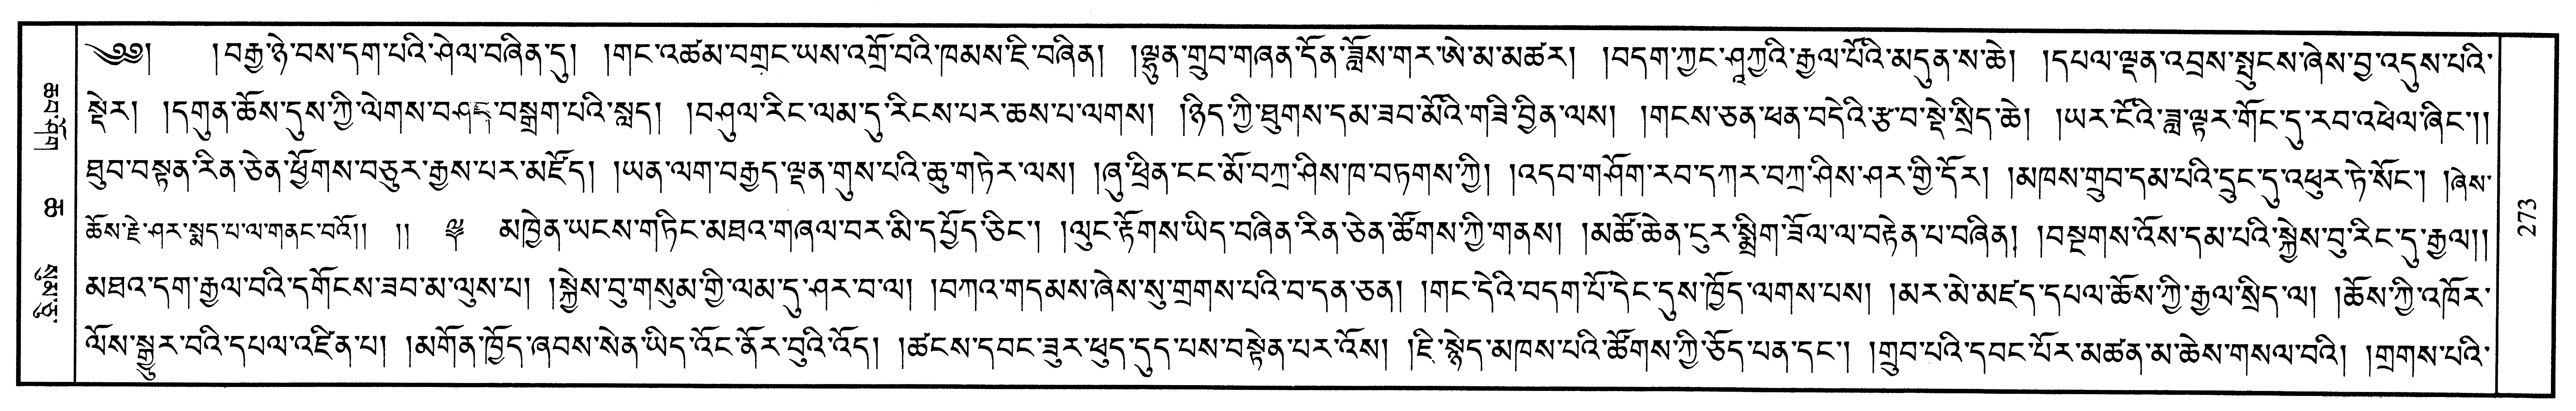༄༅། །བརྒྱ་ཉེ་བས་དག་པའི་ཤེལ་བཞིན་དུ། །གང་འཚམ་བགྲང་ཡས་འགྲོ་བའི་ཁམས་ཇི་བཞིན། །ལྷུན་གྲུབ་གཞན་དོན་ཟློས་གར་ཨེ་མ་མཚར། །བདག་ཀྱང་ཤཱཀྱའི་རྒྱལ་པོའི་མདུན་ས་ཆེ། །དཔལ་ལྡན་འབྲས་སྤུངས་ཞེས་བྱ་འདུས་པའི་
སྡེར། །དགུན་ཆོས་དུས་ཀྱི་ལེགས་བཤད་བསྒྲག་པའི་སླད། །བཤུལ་རིང་ལམ་དུ་རིངས་པར་ཆས་པ་ལགས། །ཉིད་ཀྱི་ཐུགས་དམ་ཟབ་མོའི་གཟི་བྱིན་ལས། །གངས་ཅན་ཕན་བདེའི་རྩ་བ་སྡེ་སྲིད་ཆེ། །ཡར་ངོའི་ཟླ་ལྟར་གོང་དུ་རབ་འཕེལ་ཞིང།།
ཐུབ་བསྟན་རིན་ཅེན་ཕྱོགས་བཅུར་རྒྱས་པར་མཛོད། །ཡན་ལག་བརྒྱད་ལྡན་གུས་པའི་ཆུ་གཏེར་ལས། །ཞུ་ཕྲིན་ངང་མོ་བཀྲ་ཤིས་ཁ་བཏགས་ཀྱི། །འདབ་གཤོག་རབ་དཀར་བཀྲ་ཤིས་ཤར་གྱི་དོར། །མཁས་གྲུབ་དམ་པའི་དྲུང་དུ་འཕུར་ཏེ་སོང་། །ཞེས་
ཆོས་རྗེ་ཤར་སྨད་པ་ལ་གནང་བའོ།། །། ༈ མཁྱེན་ཡངས་གཏིང་མཐའ་གཞལ་བར་མི་དཔྱོད་ཅིང་། །ལུང་རྟོགས་ཡིད་བཞིན་རིན་ཅེན་ཚོགས་ཀྱི་གནས། །མཚོ་ཆེན་ངུར་སྨྲིག་ཟོལ་ལ་བརྟེན་པ་བཞིན། །བསྔགས་འོས་དམ་པའི་སྐྱེས་བུ་རིང་དུ་རྒྱལ།།
མཐའ་དག་རྒྱལ་བའི་དགོངས་ཟབ་མ་ལུས་པ། །སྐྱེས་བུ་གསུམ་གྱི་ལམ་དུ་ཤར་བ་ལ། །བཀའ་གདམས་ཞེས་སུ་གྲགས་པའི་བ་དན་ཅན། །གང་དེའི་བདག་པོ་དེང་དུས་ཁྱོད་ལགས་པས། །མར་མེ་མཛད་དཔལ་ཆོས་ཀྱི་རྒྱལ་སྲིད་ལ། །ཆོས་ཀྱི་འཁོར་
ལོས་སྒྱུར་བའི་དཔལ་འཛིན་པ། །མགོན་ཁྱོད་ཞབས་སེན་ཡིད་འོང་ནོར་བུའི་འོད། །ཚངས་དབང་ཟུར་ཕུད་དུད་པས་བསྟེན་པར་འོས། །ཇི་སྙེད་མཁས་པའི་ཚོགས་ཀྱི་ཅོད་པན་དང་། །གྲུབ་པའི་དབང་པོར་མཚན་མ་ཆེས་གསལ་བའི། །གྲགས་པའི་